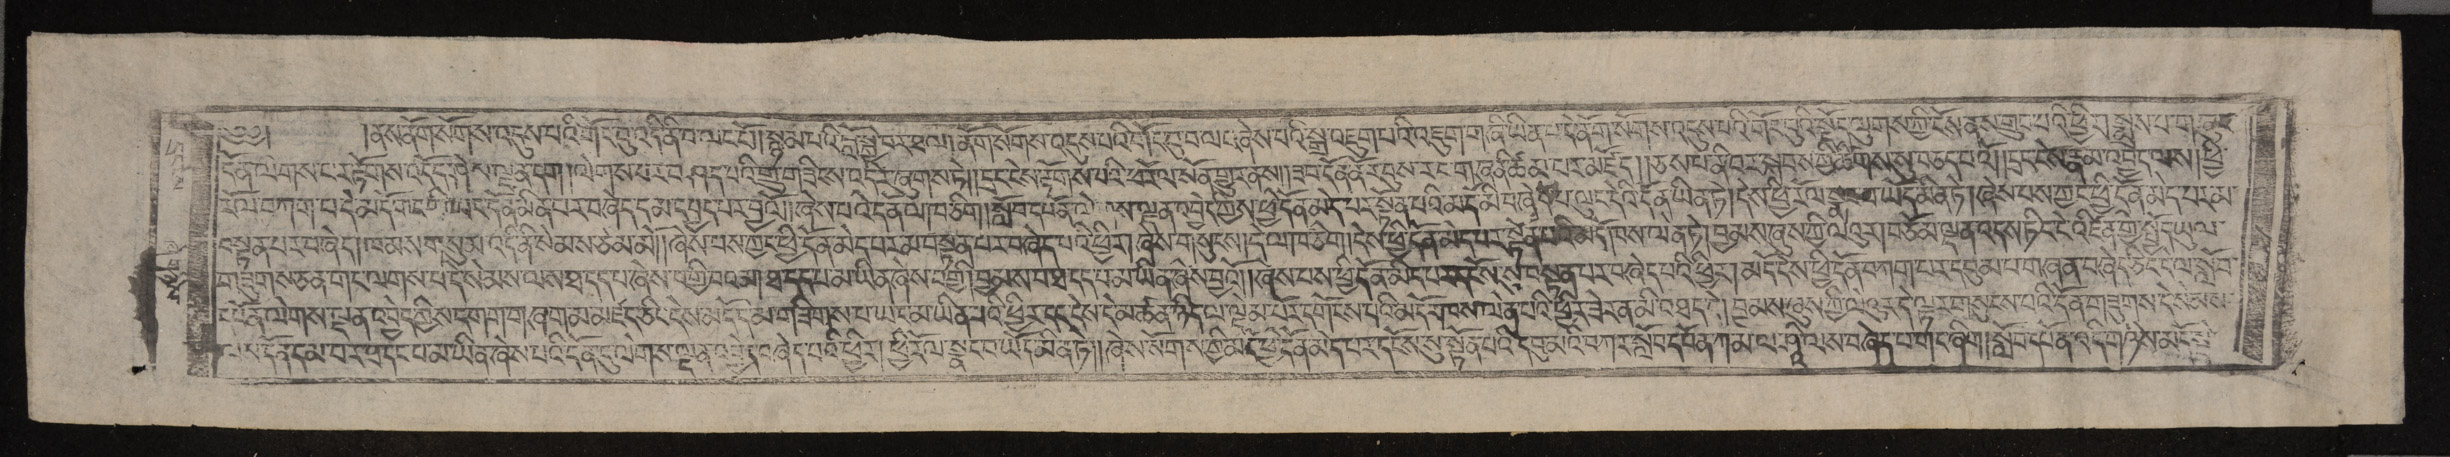༄༅། །ནས་ནོག་སོགས་འདུས་པའི་གོང་བུ་འདི་ནི་བ་ལང་ངོ། །སྙམ་པའི་བློ་སྐྱེ་བར་ཐལ། ནོག་སོགས་འདུས་པའི་གོང་བུ་བ་ལང་ཞེས་པའི་སྒྲ་འཇུག་པའི་འཇུག་གཞི་ཡིན་པ་དེ་ནོག་སོགས་འདུས་པའི་གོང་བུའི་སྡོད་ལུགས་ཀྱི་ངོས་ནས་གྲུབ་པའི་ཕྱིར། སྨྲས་པ་གཞུང་
དོན་ལེགས་པར་རྟོགས་འདོད་ཤེས་ལྡན་དག། ལེགས་པར་བཤད་པའི་གྲུ་གཟིངས་འདིར་ཞུགས་ཏེ། །དྲང་ངེས་རྟོགས་པའི་ཕ་རོལ་སོན་གྱུར་ནས། །ཟབ་དོན་ནོར་བུས་རང་གཞན་ཚིམ་པར་མཛོད། །ཅས་པ་ནི་བར་སྐབས་ཀྱི་ཚིགས་སུ་བཅད་པའོ། །དྲང་ངེས་རྣམ་འབྱེད་ལས། ཕྱི་
རོལ་བཀག་པ་ད་མདོ་གང་གི་ཡང་དོན་མིན་པར་བཞེད་དམ་དཔྱད་པར་བྱའོ། །ཞེས་པའི་དོན་ལ་ཁ་ཅིག །སློབ་དཔོན་ལེགས་ལྡན་འབྱེད་ཀྱིས་ཕྱི་དོན་མེད་པར་སྟོན་པའི་མདོ་མི་བཞེད་པ་ལུང་དེའི་དོན་ཡིན་ཏེ། དེས་ཕྱི་རོལ་སྣང་བ་ཡོད་མིན་ཏེ། ཞེས་པས་ཀྱང་ཕྱི་དོན་མེད་པར་མ་
བསྟན་པར་བཞེད། ཁམས་གསུམ་འདི་ནི་སེམས་ཙམ་མོ། །ཞེས་པས་ཀྱང་ཕྱི་དོན་མེད་པར་མ་བསྟན་པར་བཞེད་པའི་ཕྱིར། ཞེས་གསུངས། དེ་ལ་ཁ་ཅིག །དེས་ཕྱི་དོན་མེད་པར་སྟོན་པའི་མདོ་ཁས་ལེན་ཏེ། བྱམས་ཞུས་ཀྱི་ལེའུར། བཅོམ་ལྡན་འདས་ཏིང་ངེ་འཛིན་གྱི་སྤྱོད་ཡུལ་
གཟུགས་ཅན་གང་ལགས་པ་དེ་སེམས་ལས་ཐ་དད་པ་ཞེས་བགྱི་བའམ། ཐ་དད་པ་མ་ཡིན་ཞེས་བགྱི། བྱམས་པ་ཐ་དད་པ་མ་ཡིན་ཞེས་བྱའོ། །ཞེས་པས་ཕྱི་དོན་མེད་པར་དངོས་སུ་བསྟན་པར་བཞེད་པའི་ཕྱིར། མདོ་དེས་ཕྱི་དོན་བཀག་པར་དབུ་མ་པ་གཞན་བཞེད་ཅིང་དེ་ལ་སློབ་
དཔོན་ལེགས་ལྡན་འབྱེད་ཀྱིས་དགག་གཞག་མ་མཛད་ཅིང་དེས་མདོ་དེ་མ་གཟིགས་པ་ཡང་མ་ཡིན་པའི་ཕྱིར་དང་དེས་དེ་མཚན་ཉིད་ལ་ལྡེམ་པོར་དགོངས་པའི་མདོར་ཁས་ལེན་པའི་ཕྱིར་ཟེར་ན་མི་འཐད་དེ། བྱམས་ཞུས་ཀྱི་ལེའུར་དེ་ལྟར་གསུངས་པའི་དོན་གཟུགས་དེ་སེམས་
ལས་དོན་དམ་པར་ཐ་དད་པ་མ་ཡིན་ཞེས་པའི་དོན་དུ་ལེགས་ལྡན་འབྱེད་བཞེད་པའི་ཕྱིར། ཕྱི་རོལ་སྣང་བ་ཡོད་མིན་ཏེ། །ཞེས་སོགས་ཀྱི་མདོ་ཕྱི་དོན་མེད་པར་དངོས་སུ་སྟོན་པའི་དབུ་མའི་བཀར་སློབ་དཔོན་ཀ་མ་ལ་ཤཱི་ལས་བཞེད་པ་གང་ཞིག །སློབ་དཔོན་འདི་གཉིས་མདོ་སྡེ་